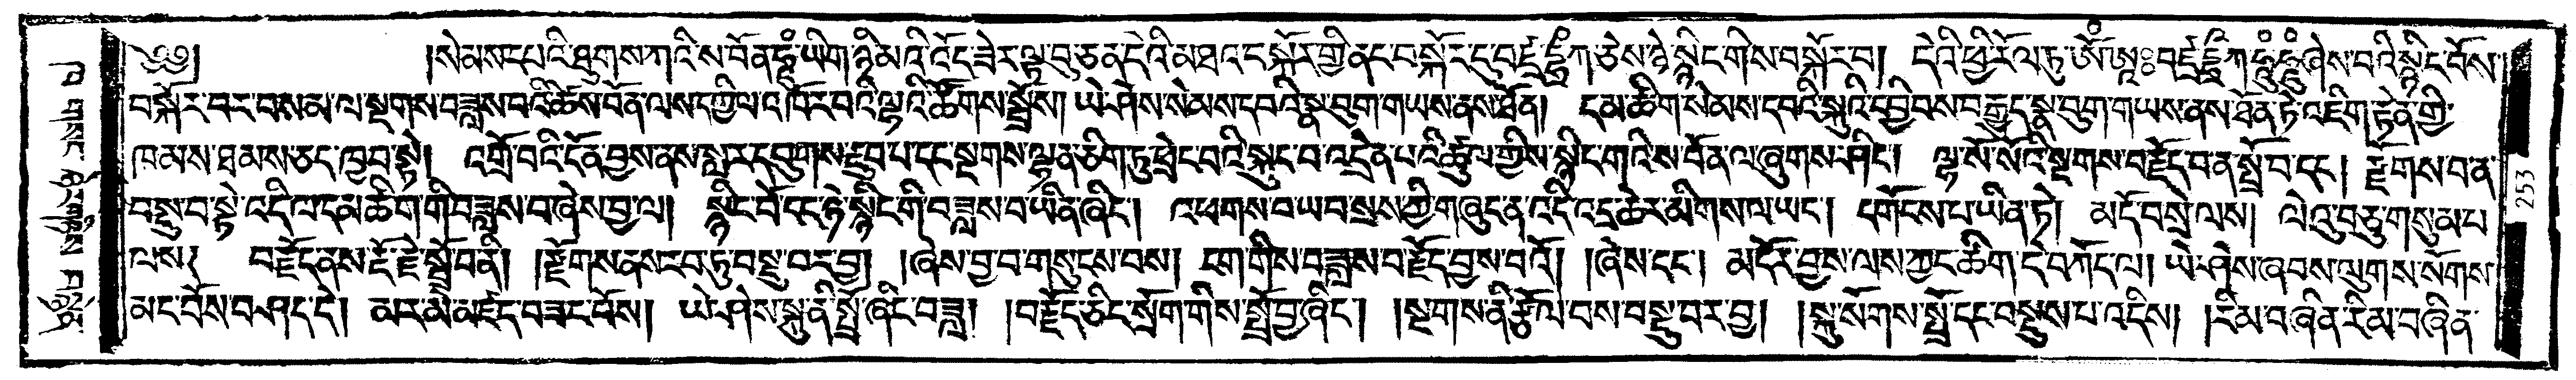༄༅། །སེམས་དཔའི་ཐུགས་ཀའི་ས་བོན་ཧཱུཾ་ཡིག་ཉི་མའི་འོད་ཟེར་ལྟ་བུ་ཅན་དེའི་མཐའང་སྐོར་གྱི་ནང་བསྐོར་དུ་བཛྲ་དྷྲྀཀ་ཅེས་ཉེ་སྙིང་གིས་བསྐོར་བ། དེའི་ཕྱི་རོལ་ཏུ་ཨོཾ་ཨཱཿབཛྲ་དྷྲྀཀ་ཧཱུཾ་ཧཱུཾ་ཞེས་པའི་སྙིང་པོས་
བསྐོར་བར་བསམ་ལ་སྔགས་བཟླས་པའི་ཚེ་ས་བོན་ལས་དཀྱིལ་འཁོར་བའི་ལྷའི་ཚོགས་སྤྲོས། ཡེ་ཤེས་སེམས་དཔའི་སྣ་བུག་གཡས་ནས་ཐོན། དམ་ཚིག་སེམས་དཔའི་སྐུའི་དབྱིབས་བརྒྱུད་སྣ་བུག་གཡས་ནས་ཐོན་ཏེ་འཇིག་རྟེན་གྱི་
ཁམས་ཐམས་ཅད་ཁྱབ་སྟེ། འགྲོ་བའི་དོན་བྱས་ནས་སླར་དབུགས་རྔུབ་པ་དང་སྔགས་ལྷན་ཅིག་ཏུ་ཕྲེང་བའི་སྐུང་བ་འདྲེན་པའི་ཚུལ་གྱིས་སྙིང་གའི་ས་བོན་ལ་ཞུགས་ཤིང་། ལྷ་སོ་སོའི་སྔགས་བརྗོད་པ་ན་སྤྲོ་བ་དང་། རྫོགས་པ་ན་
བསྡུ་བ་སྟེ་འདི་ལ་དམ་ཚིག་གི་བཟླས་པ་ཞེས་བྱ་ལ། སྙིང་པོ་དང་ཉེ་སྙིང་གི་བཟླས་པ་ཡིན་ཞིང་། འཕགས་པ་ཡབ་སྲས་ཀྱི་གཞུང་ན་འདི་འདྲ་ཆེར་མི་གསལ་ཡང་། དགོངས་པ་ཡིན་ཏེ། མདོ་བསྲེ་ལས། ལེའུ་བཅུ་གསུམ་པ་
ལས༑ བརྗོད་ནས་རྡོ་རྗེ་སྤྲོ་བ་ནི། །རྫོགས་ནས་རབ་ཏུ་བསྡུ་བར་བྱ། །ཞེས་བྱ་བ་གསུངས་པས། ངག་གིས་བཟླས་བརྗོད་བྱས་བའོ། །ཞེས་དང་། མདོར་བྱས་ལས་ཀྱང་ཚིག་དེ་བཀོད་ལ། ཡེ་ཤེས་ཞབས་ལུགས་སོགས་
མང་བོས་བཤད་དེ། མར་མེ་མཛད་བཟང་པོས། ཡེ་ཤེས་སྐུ་ནི་སྤྲོ་ཞིང་བཟླ། །བརྗོད་ཅིང་སྲོག་གིས་སྤྲོ་བྱ་ཞིང་། །སྔགས་ནི་རྩོལ་བས་བསྡུ་བར་བྱ། །སྐུ་སོགས་སྤྲོ་དང་བསྡུས་པ་འདིས། །རིམ་བཞིན་རིམ་བཞིན་